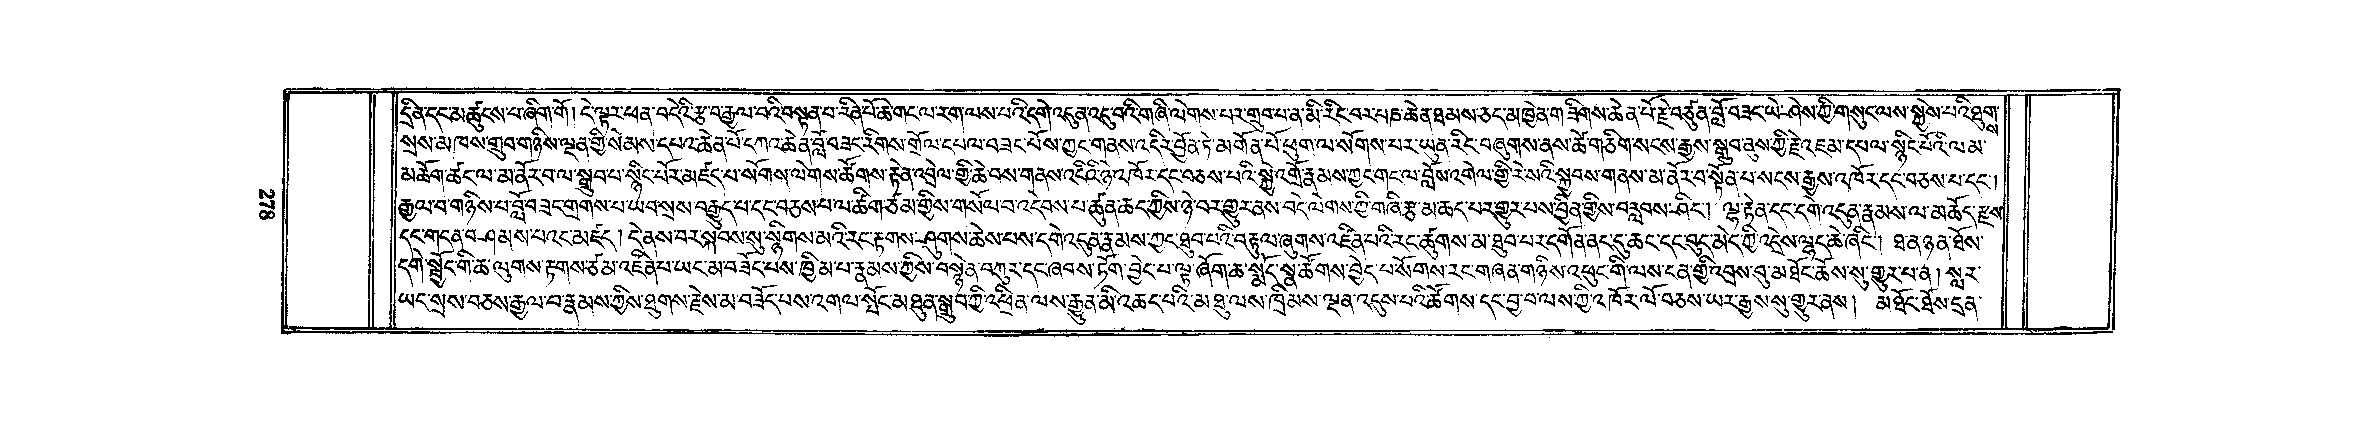དྲིན་དང་མཚུངས་པ་ཞིག་གོ །དེ་ལྟར་ཕན་བདེའི་རྩ་བ་རྒྱལ་བའི་བསྟན་པ་རིན་པོ་ཆེ་གང་ལ་རག་ལས་པའི་དགེ་འདུན་འདུ་བའི་གཞི་ལེགས་པར་གྲུབ་པ་ན་མི་རིང་བར་པཎ་ཆེན་ཐམས་ཅད་མཁྱེན་གཟིགས་ཆེན་པོ་རྗེ་བཙུན་བློ་བཟང་ཡེ་ཤེས་ཀྱི་གསུང་ལས་སྐྱེས་པའི་ཐུགས་
སྲས་མཁས་གྲུབ་གཉིས་ལྡན་གྱི་སེམས་དཔའ་ཆེན་པོ་དཀའ་ཆེན་བློ་བཟང་རིགས་གྲོལ་དཔལ་བཟང་པོས་ཀྱང་གནས་འདིར་བྱོན་ཏེ་མགོན་པོ་ཕུག་ལ་སོགས་པར་ཡུན་རིང་བཞུགས་ནས་ཚེ་གཅིག་སངས་རྒྱས་སྒྲུབ་ནུས་ཀྱི་རྗེ་འཇམ་དཔལ་སྙིང་པོའི་ལམ་
མཆོག་ཚང་ལ་མ་ནོར་བ་ལ་སྒྲུབ་པ་སྙིང་པོར་མཛད་པ་སོགས་ལེགས་ཚོགས་རྟེན་འབྲེལ་གྱི་ཆེ་བས་གནས་འདིའི་ཉེ་འཁོར་དང་བཅས་པའི་སྐྱེ་འགྲོ་རྣམས་ཀྱང་གང་ལ་བློས་འགེལ་གྱི་རེ་སའི་སྐྱབས་གནས་མ་ནོར་བ་སྟོན་པ་སངས་རྒྱས་འཁོར་དང་བཅས་པ་དང་།
རྒྱལ་བ་གཉིས་པ་བློ་བཟང་གྲགས་པ་ཡབ་སྲས་བརྒྱུད་པ་དང་བཅས་པ་ལ་ཚིག་ཙམ་གྱིས་གསོལ་བ་འདེབས་པ་ཚུན་ཆད་ཀྱིས་ཉེ་བར་གྱུར་ནས་བདེ་ལེགས་ཀྱི་གཞི་རྩ་མ་ཆད་པར་གྱུར་པས་བྱིན་གྱིས་བརླབས་ཤིང་། ལྷ་རྟེན་དང་དགེ་འདུན་རྣམས་ལ་མཆོད་རྫས་
དང་གདན་བཤམས་པའང་མཛད། དེ་ནས་བར་སྐབས་སུ་སྙིགས་མའི་རང་རྟགས་ཤུགས་ཆེས་པས་དགེ་འདུན་རྣམས་ཀྱང་ཐུབ་པའི་བརྟུལ་ཞུགས་འཛིན་པའི་རང་ཚུགས་མ་ཐུབ་པར་དགོན་ནང་དུ་ཆང་དང་བུད་མེད་ཀྱི་འདྲེས་ལྷད་ཆེ་ཞིང་། ཐ་ན་ཉན་ཐོས་
དགེ་སྦྱོང་གི་ཆ་ལུགས་རྟགས་ཙམ་འཛིན་པ་ཡང་མ་བཟོད་པས་ཁྱིམ་པ་རྣམས་ཀྱིས་བསྙེན་བཀུར་དང་ཞབས་ཏོག་བྱེད་པ་ལྟ་ཞོག་ཆ་སྨོད་སྣ་ཚོགས་བྱེད་པ་སོགས་རང་གཞན་གཉིས་འཕུང་གི་ལས་ངན་གྱི་འབྲས་བུ་མཐོང་ཆོས་སུ་གྱུར་པ་ན། སླར་
ཡང་སྲས་བཅས་རྒྱལ་བ་རྣམས་ཀྱིས་ཐུགས་རྗེས་མ་བཟོད་པས་འགལ་སྤོང་མཐུན་སྒྲུབ་ཀྱི་འཕྲིན་ལས་རྒྱུན་མི་འཆད་པའི་མཐུ་ལས་ཁྲིམས་ལྡན་འདུས་པའི་ཚོགས་དང་བྱ་བ་ལས་ཀྱི་འཁོར་ལོ་བཅས་ཡར་རྒྱས་སུ་གྱུར་ནས། མཐོང་ཐོས་དྲན་